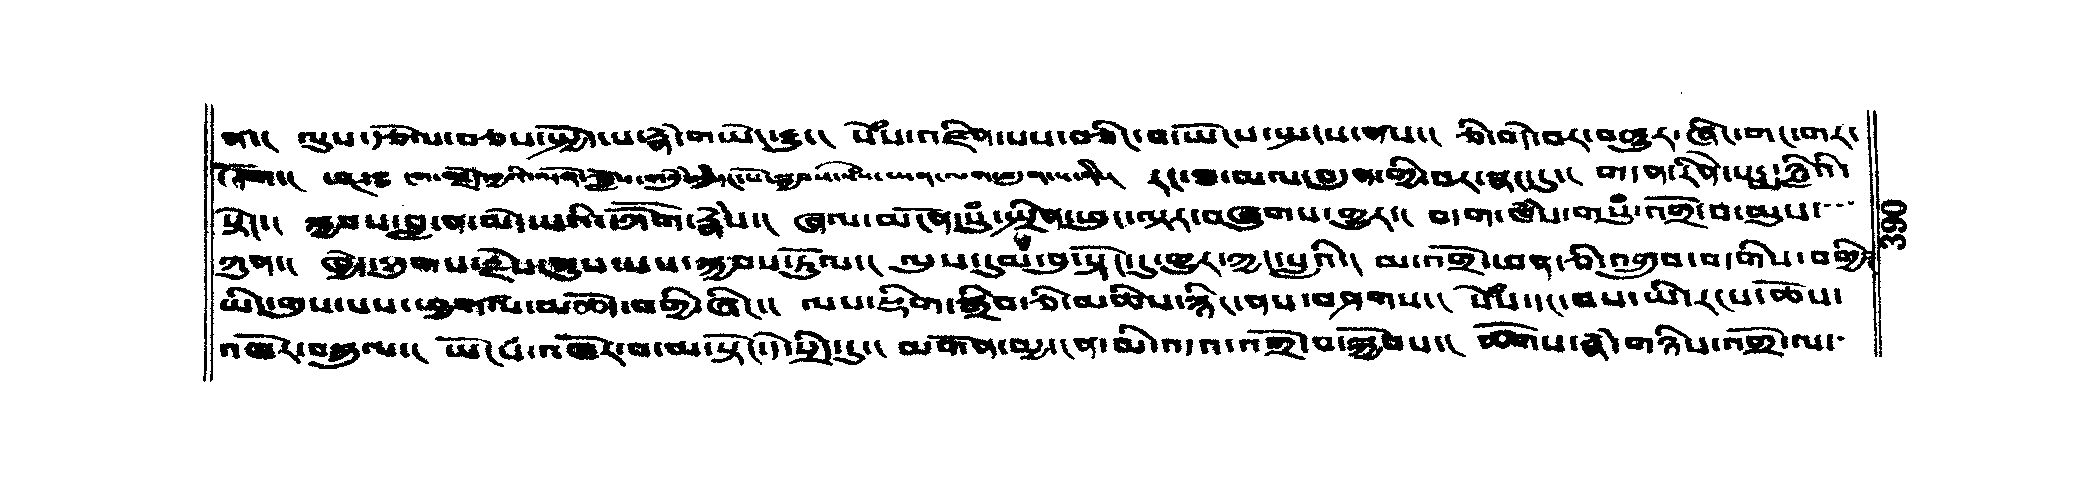ན། །ལུས་རྩོལ་བཅས་སྤྱོད་པ་རྣམ་གཡེང་རྒྱུ། །སེམས་འཛིན་པས་བཅིང་བ་ཡོངས་སྤངས་ནས། །ཅི་བདེ་བར་བསྒྱུར་ཞིང་གང་གར་
ཤོག་།ཕཊཿགཉིས་པ་བླ་མའི་རྣལ་འབྱོར་དང་མཎྜལ་གྱི་རིམ་པ་ནི།